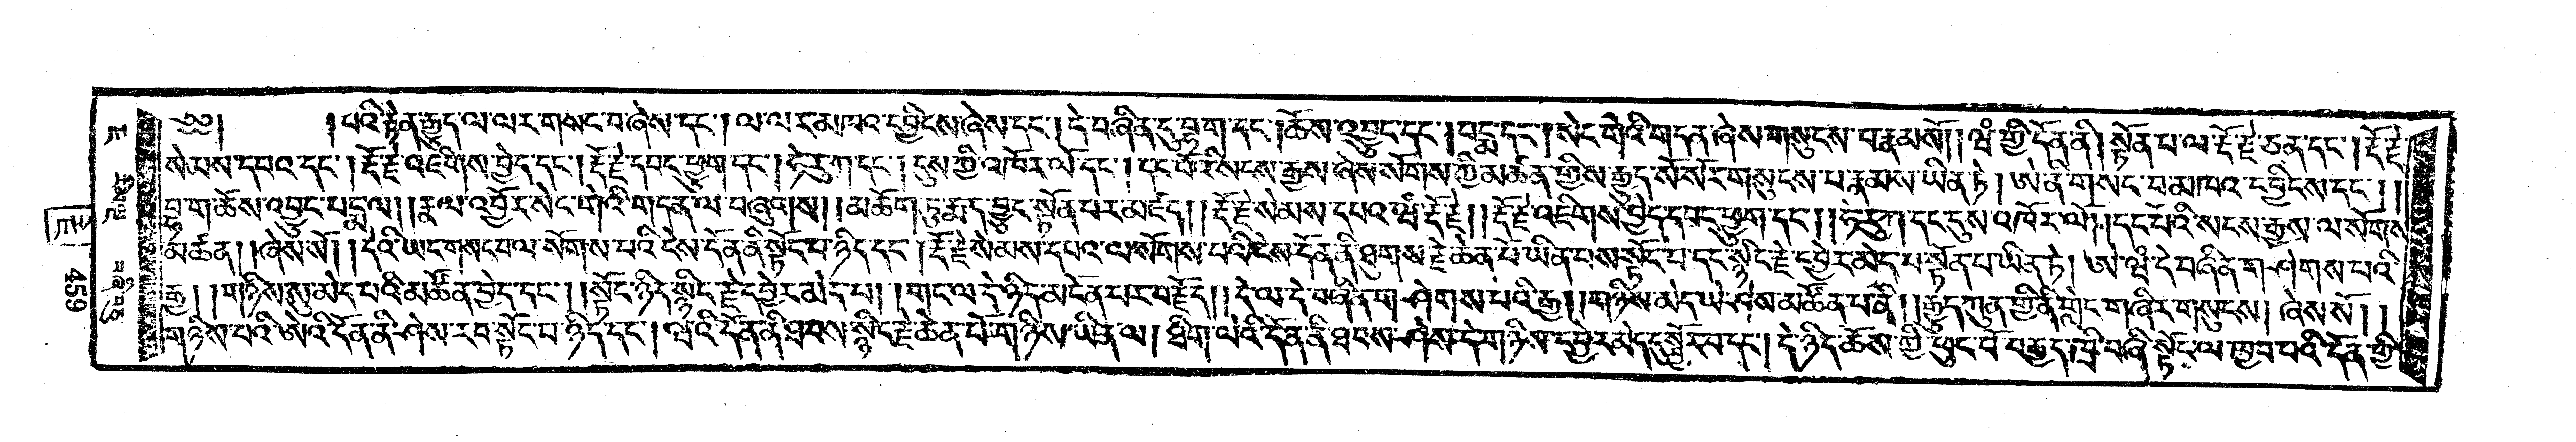༄༅། །པའི་རྟེན་རྒྱུད་ལ་ལར་གསང་བ་ཞེས་དང་། ལ་ལར་མཁའ་དབྱིངས་ཞེས་དང་། དེ་བཞིན་དུ་བྷག་དང་། ཆོས་འབྱུང་དང་། པདམ་དང་། སེང་གེའི་གདན་ཞེས་གསུངས་པ་རྣམས་སོ། །ཝཾ་གྱི་དོན་ནི། སྟོན་པ་ལ་རྡོ་རྗེ་ཅན་དང་། རྡོ་རྗེ་
སེམས་དཔའ་དང་། རྡོ་རྗེ་འཇིགས་བྱེད་དང་། རྡོ་རྗེ་དབང་ཕྱུག་དང་། ཧེ་རུ་ཀ་དང་། དུས་ཀྱི་འཁོར་ལོ་དང་། དང་པོའི་སངས་རྒྱས་ཞེས་སོགས་ཀྱི་མཚན་གྱིས་རྒྱུད་སོ་སོར་གསུངས་པ་རྣམས་ཡིན་ཏེ། ཨེ་ནི་གསང་བ་མཁའ་དབྱིངས་དང་། །
བྷ་ག་ཆོས་འབྱུང་པདམ་ལ། །རྣལ་འབྱོར་སེང་གེའི་གདན་ལ་བཞུགས། །མཆོག་ཏུ་རྨད་བྱུང་སྟོན་པར་མཛད། །རྡོ་རྗེ་སེམས་དཔའ་ཝཾ་རྡོ་རྗེ། །རྡོ་རྗེ་འཇིགས་བྱེད་དབང་ཕྱུག་དང་། །ཧེ་རུ་ཀ་དང་དུས་འཁོར་ལོ། །དང་པོའི་སངས་རྒྱས་ལ་སོགས་
མཚན། །ཞེས་སོ། །དེའི་ཡང་གསང་བ་ལ་སོགས་པའི་ངེས་དོན་ནི་སྟོང་པ་ཉིད་དང་། རྡོ་རྗེ་སེམས་དཔའ་ལ་སོགས་པའི་ངེས་དོན་ནི་ཐུགས་རྗེ་ཆེན་པོ་ཡིན་པས་སྟོང་པ་དང་སྙིང་རྗེ་དབྱེར་མེད་པ་སྟོན་པ་ཡིན་ཏེ། ཨེ་ཝཾ་དེ་བཞིན་གཤེགས་པའི་
རྒྱ། །གཉིས་སུ་མེད་པའི་མཚོན་བྱེད་དང་། །སྟོང་ཉིད་སྙིང་རྗེ་དབྱེར་མེད་པ། །གང་ལ་དེ་ཉིད་མངོན་པར་བརྗོད། །དེ་ལ་དེ་བཞིན་གཤེགས་པའི་རྒྱ། །གཉིས་མེད་ཡེ་ཤེས་མཚོན་པ་ནི། །རྒྱུད་ཀུན་གྱི་ནི་གླེང་གཞིར་གསུངས། ཞེས་སོ། །
གཉིས་པའི་ཨེའི་དོན་ནི་ཤེས་རབ་སྟོང་པ་ཉིད་དང་། ཝའི་དོན་ནི་ཐབས་སྙིང་རྗེ་ཆེན་པོ་གཉིས་ཡིན་ལ། ཐིག་ལེའི་དོན་ནི་ཐབས་ཤེས་དེ་གཉིས་དབྱེར་མེད་དུ་སྦྱོར་བ་དང་། དེ་ཉིད་ཆོས་ཀྱི་ཕུང་པོ་བརྒྱད་ཁྲི་བཞི་སྟོང་ལ་ཁྱབ་པའི་དོན་གྱི་